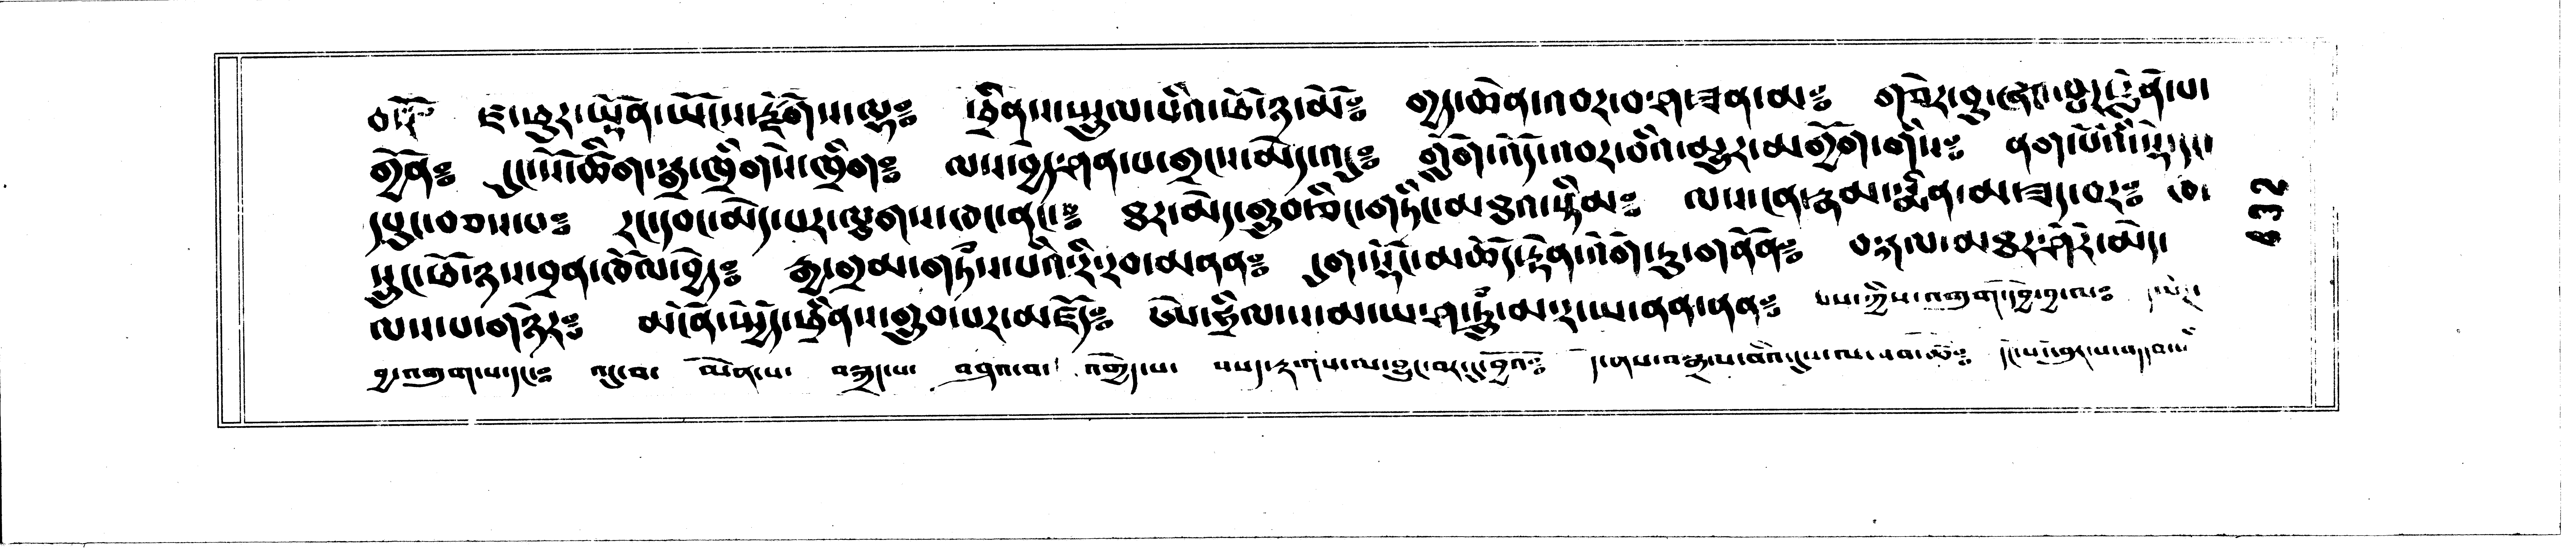བསྭོ༔ཛྭ་ཕུར་ཡོན་ཏན་ཡོངས་རྫོགས་ལྷ༔ཕྲིན་ལས་སྤྲུལ་པའི་ཕོ་ཉ་མོ༔གྱད་ཆེན་འབར་བ་ཤ་ཟན་མ༔གཅེར་བུ་ཞིང་ལྤགས་རློན་པ་
གྱོན༔དུང་སོ་ཚིག་སྒྲ་ཁྲིགས་སེ་ཁྲིག༔ལས་བྱེད་ཤན་པ་གྲངས་མེད་འདུ༔གློག་འོད་འབར་བའི་མྱུར་མགྱོག་གིས༔ནག་པོའི་སྡེ་དང་
དཔུང་བཅས་པ༔རང་དབང་མེད་པར་ལྕགས་ཁང་ནང་༔ཐར་མེད་བྲུབ་ཅིང་གཏིང་མཐའ་བསྟིམ༔ལས་ངན་རྣམ་སྨིན་མ་ཟད་བར༔ཁ་
སྲུང་ཕོ་ཉས་བྲན་ཁོལ་བྱེད༔རྒྱ་གྲམ་གཏམས་པའི་རི་རབ་མནན༔དུག་སྡོང་མཆོད་རྟེན་འོག་ཏུ་གནོན༔བསྐལ་མཐར་ཤོར་མེད་
ལས་པ་གཉེར༔མངོན་སྤྱོད་ཕྲིན་ལས་གྲུབ་པར་མཛོད༔ཨེ་ཧྲིལ་ས་མ་ཡ་ཤ་ཏྲུཾ་མ་ར་ཡ་ནན་ནན༔ཅེས་ཀྱི་འགུག་དབྱེ་བྱ་ལ༔དམིགས་
བྱ་འགུག་པ་དང་༔འདུ་བ་ལེན་པ་བསྐྲད་པ་བཤའ་བ་འགྱེད་པ་བསད་རྟགས་མ་བྱུང་བར་དུ་བྱའོ༔དེ་ནས་བསྒྲལ་བའི་དུས་ལ་བབ་ཚེ༔དང་པོ་ཕུར་པ་གདབ་པ་ནིཿ